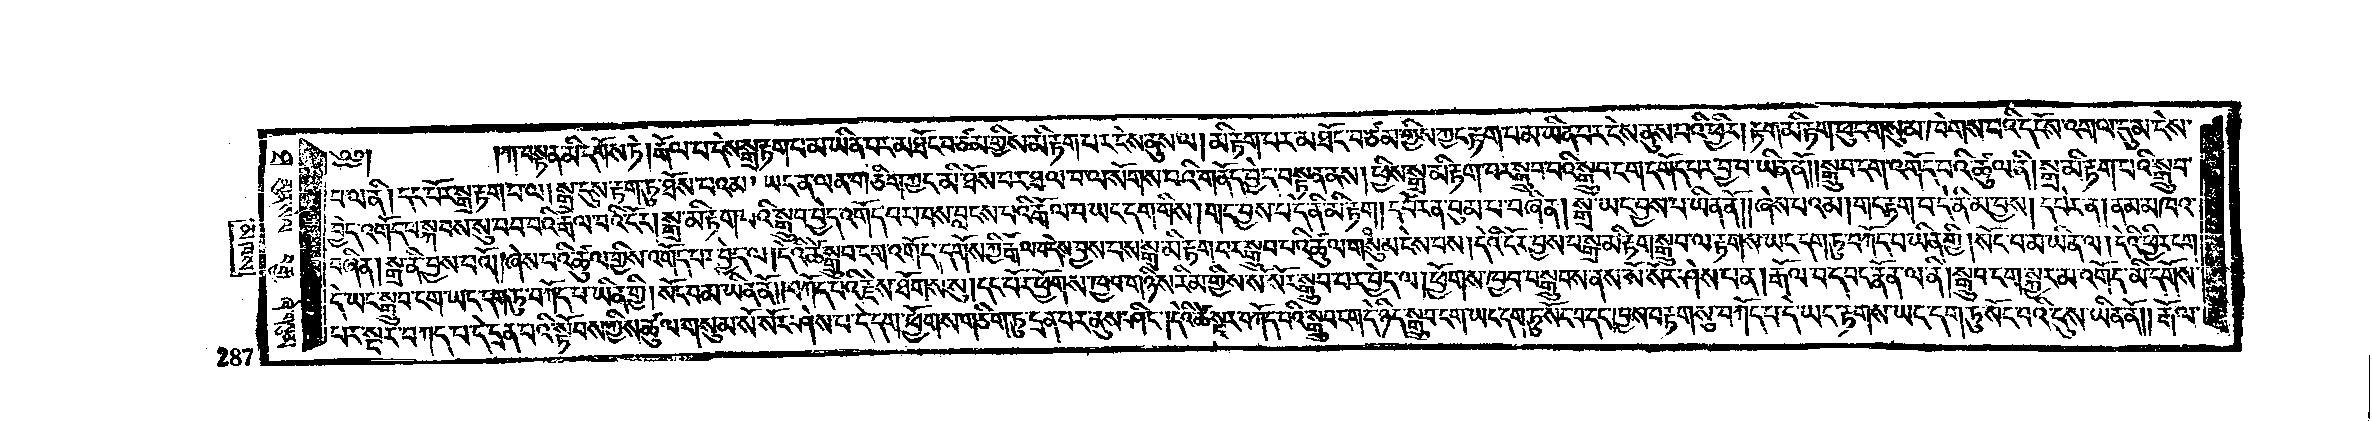༄༅། །ཀ་བསྟན་མི་དགོས་ཏེ། རྒོལ་པ་དེས་སྒྲ་རྟག་པ་མ་ཡིན་པར་མཐོང་བ་ཙམ་གྱིས་མི་རྟག་པར་ངེས་ནུས་ལ། མི་རྟག་པར་མཐོང་བ་ཙམ་གྱིས་ཀྱང་རྟག་པ་མ་ཡིན་པར་ངེས་ནུས་པའི་ཕྱིར། རྟག་མི་རྟག་ཕུང་གསུམ་ཁེགས་པའི་དངོས་འགལ་དུ་མ་ངེས་
པ་ལ་ནི། དང་པོར་སྒྲ་རྟག་པ་ལ། སྒྲ་དུས་རྟག་ཏུ་ཐོས་པའམ། ཡང་ན་ལན་གཅིག་ཀྱང་མི་ཐོས་པར་ཐལ་བ་ལ་སོགས་པའི་གནོད་བྱེད་བསྟན་ནས། ཕྱིས་སྒྲ་མི་རྟག་པར་སྒྲུབ་པའི་སྒྲུབ་ངག་དགོད་པར་བྱ་བ་ཡིན་ནོ། །སྒྲུབ་ངག་འགོད་པའི་ཚུལ་ནི། སྒྲ་མི་རྟག་པའི་སྒྲུབ་
བྱེད་འགོད་པ་སྐབས་སུ་བབ་པའི་རྒོལ་བའི་ངོར། སྒྲ་མི་རྟག་པའི་སྒྲུབ་བྱེད་འགོད་པར་ཁས་བླངས་པའི་རྒོལ་བ་ཡང་དག་གིས། གང་བྱས་པ་དེ་ནི་མི་རྟག། དཔེར་ན་བུམ་པ་བཞིན། སྒྲ་ཡང་བྱས་པ་ཡིན་ནོ། །ཞེས་པའམ། གང་རྟག་པ་དེ་ནི་མ་བྱས། དཔེར་ན། ནམ་མཁའ་
བཞིན། སྒྲ་ནི་བྱས་པའོ། །ཞེས་པའི་ཚུལ་གྱིས་འགོད་པར་བྱེད་ལ། དེའི་ཚེ་སྒྲུབ་ངག་འགོད་དགོས་ཀྱི་རྒོལ་བ་དེས་བྱས་པས་སྒྲ་མི་རྟག་པར་སྒྲུབ་པའི་ཚུལ་གསུམ་མ་ངེས་པས། དེའི་ངོར་བྱས་པ་སྒྲ་མི་རྟག་སྒྲུབ་ལ་རྟགས་ཡང་དག་ཏུ་བཀོད་པ་ཡིན་གྱི། སོང་བ་མ་ཡིན་ལ། དེའི་ཕྱིར་ངག་
དེ་ཡང་སྒྲུབ་ངག་ཡང་དག་ཏུ་བཀོད་པ་ཡིན་གྱི། སོང་བ་མ་ཡིན་ནོ། །བཀོད་པའི་རྗེས་ཐོགས་སུ། དང་པོར་ཕྱོགས་ཁྱབ་གཉིས་རིམ་གྱིས་སོ་སོར་སྒྲུབ་པར་བྱེད་ལ། ཕྱོགས་ཁྱབ་བསྒྲུབས་ནས་སོ་སོར་ཤེས་པ་ན། རྒོལ་བ་དབང་རྣོན་ལ་ནི། སྒྲུབ་ངག་སྐྱར་མ་འགོད་མི་དགོས་
པར་སྔར་བཀོད་པ་དེ་དྲན་པའི་སྟོབས་ཀྱིས་ཚུལ་གསུམ་སོ་སོར་ཤེས་པ་དེ་དག་ཕྱོགས་གཅིག་ཏུ་དྲན་པར་ནུས་ཤིང་། དེའི་ཚེ་སྔར་བཀོད་པའི་སྒྲུབ་ངག་དེ་ཉིད་སྒྲུབ་ངག་ཡང་དག་ཏུ་སོང་བ་དང་། བྱས་བརྟགས་སུ་བཀོད་པ་དེ་ཡང་རྟགས་ཡང་དག་ཏུ་སོང་བའི་དུས་ཡིན་ནོ། །རྒོལ་